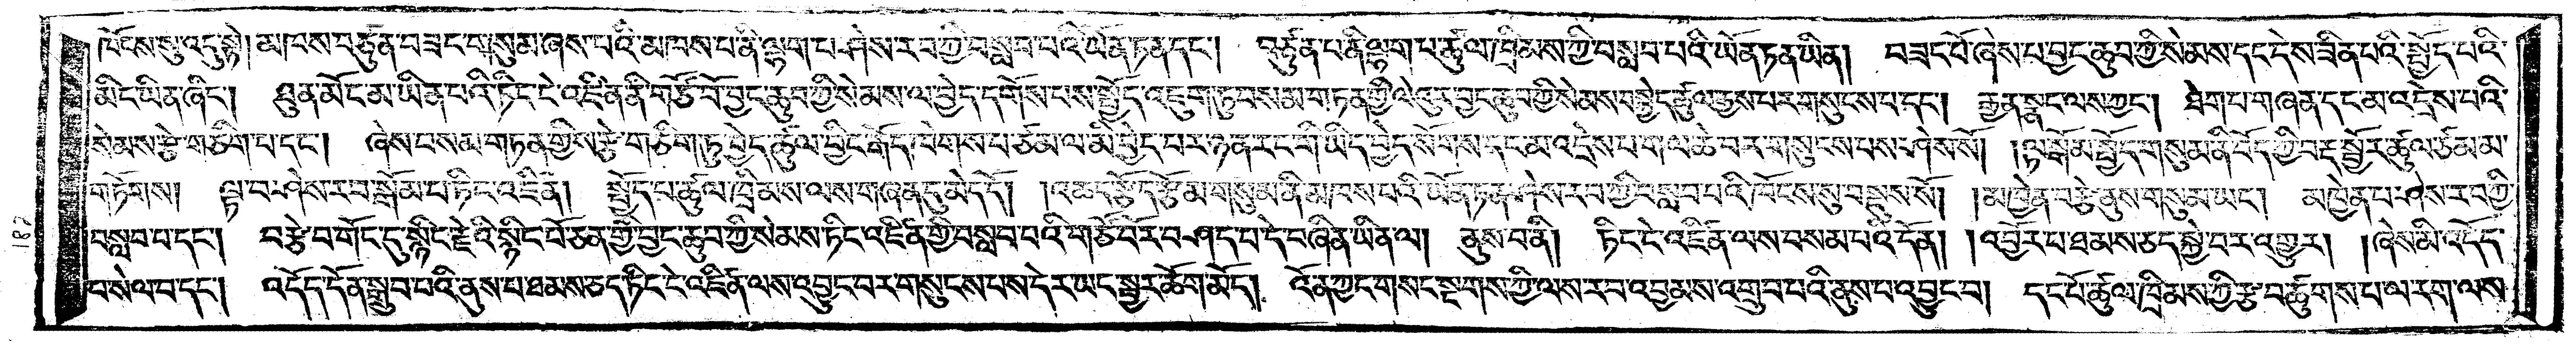ཁོངས་སུ་འདུ་སྟེ། མཁས་བཙུན་བཟང་གསུམ་ཞེས་པའི་མཁས་པ་ནི་ལྷག་པ་ཤེས་རབ་ཀྱི་བསླབ་པའི་ཡོན་ཏན་དང་། བཙུན་པ་ནི་ལྷག་པ་ཚུལ་ཁྲིམས་ཀྱི་བསླབ་པའི་ཡོན་ཏན་ཡིན། བཟང་པོ་ཞེས་པ་བྱང་ཆུབ་ཀྱི་སེམས་དང་དེས་ཟིན་པའི་སྤྱོད་པའི་
མིང་ཡིན་ཞིང་། ཐུན་མོང་མ་ཡིན་པའི་ཏིང་ངེ་འཛིན་ནི་གཙོ་བོ་བྱང་ཆུབ་ཀྱི་སེམས་ལ་བྱེད་དགོས་པས་སྤྱོད་འཇུག་ཏུ་བསམ་གཏན་གྱི་ལེའུར་བྱང་ཆུབ་ཀྱི་སེམས་བསྐྱེད་ཚུལ་རྒྱས་པར་གསུངས་པ་དང་། རྒྱན་སྣང་ལས་ཀྱང་། ཐེག་པ་གཞན་དང་མ་འདྲེས་པའི་
སེམས་རྩེ་གཅིག་པ་དང་། ཞེས་བསམ་གཏན་གྱིས་རྩེ་གཅིག་ཏུ་བྱེད་ཚུལ་བྱིང་རྒོད་ཁེགས་པ་ཙམ་ལ་མི་བྱེད་པར་ཉན་རང་གི་ཡིད་བྱེད་སོགས་དང་མ་འདྲེས་པ་གལ་ཆེ་བར་གསུངས་པས་ཤེས་སོ། །ལྟ་སྒོམ་སྤྱོད་གསུམ་ནི་བོད་ཀྱི་བརྡ་སྦྱོར་ཚུལ་ཙམ་མ་
གཏོགས། ལྟ་བ་ཤེས་རབ་སྒོམ་པ་ཏིང་འཛིན། སྤྱོད་པ་ཚུལ་ཁྲིམས་ལས་གཞན་དུ་མེད་དོ། །འཆད་རྩོད་རྩོམ་གསུམ་ནི་མཁས་པའི་ཡོན་ཏན་ཤེས་རབ་ཀྱི་བསླབ་པའི་ཁོངས་སུ་བསྡུས་སོ། །མཁྱེན་བརྩེ་ནུས་གསུམ་ཡང་། མཁྱེན་པ་ཤེས་རབ་ཀྱི་
བསླབ་པ་དང་། བརྩེ་བ་གོང་དུ་སྙིང་རྗེའི་སྙིང་པོ་ཅན་གྱི་བྱང་ཆུབ་ཀྱི་སེམས་ཏིང་འཛིན་གྱི་བསླབ་པའི་གཙོ་བོར་བཤད་པ་དེ་བཞིན་ཡིན་ལ། ནུས་པ་ནི། ཏིང་ངེ་འཛིན་ལས་བསམ་པའི་དོན། །འབྱོར་བ་ཐམས་ཅད་སྐྱེ་བར་འགྱུར། །ཞེས་མི་འདོད་
པ་སེལ་བ་དང་། འདོད་དོན་སྒྲུབ་པའི་ནུས་པ་ཐམས་ཅད་ཏིང་ངེ་འཛིན་ལས་འབྱུང་བར་གསུངས་པས་དེར་ཡང་སྦྱར་ཆོག་མོད། འོན་ཀྱང་གསང་སྔགས་ཀྱི་ལས་རབ་འབྱམས་འགྲུབ་པའི་ནུས་པ་འབྱུང་བ། དང་པོ་ཚུལ་ཁྲིམས་ཀྱི་རྩ་བ་ཚུགས་པ་ལ་རག་ལས་